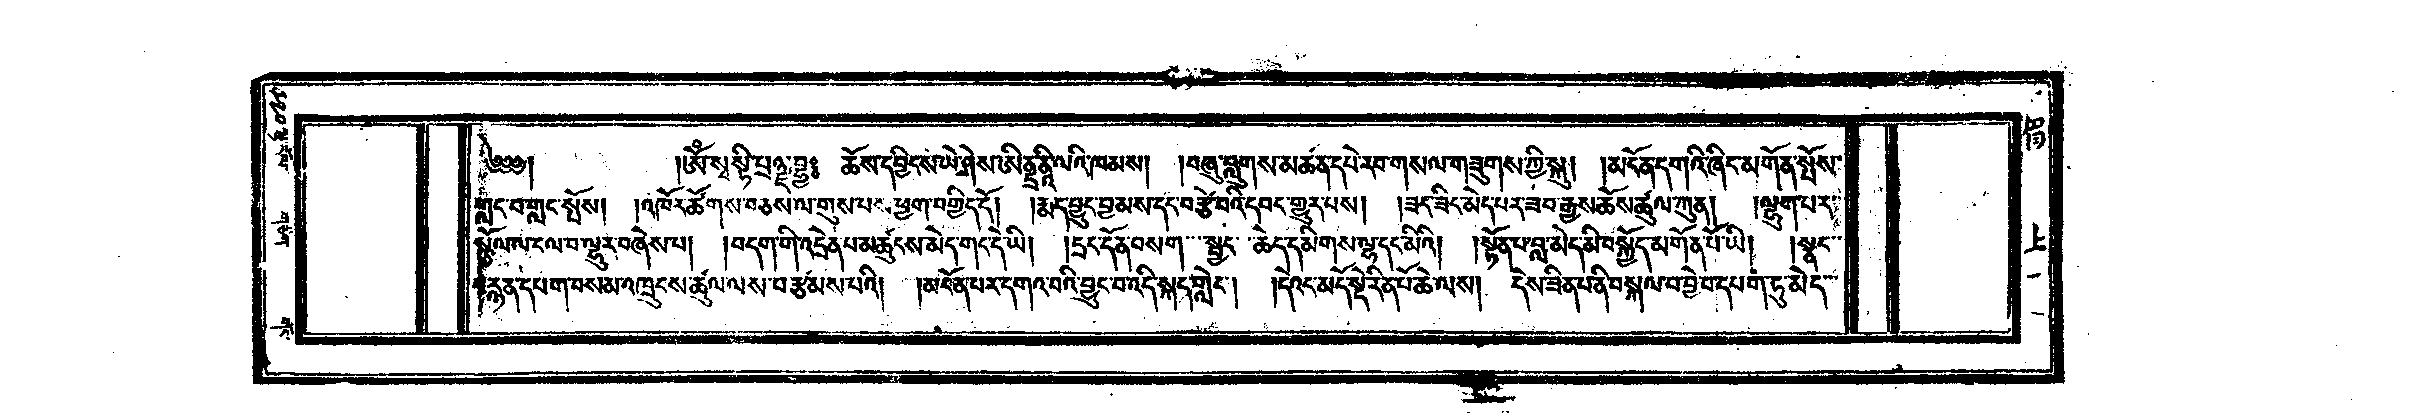༄༅༅། །ཨོཾ་སྭ་སྟི་པྲཉྫ་བྷྱཿ ཆོས་དབྱིངས་ཡེ་ཤེས་ཨིནྡྲ་ནཱི་ལའི་ཁམས། །བཞུ་བླུགས་མཚན་དཔེ་རབ་གསལ་གཟུགས་ཀྱི་སྐུ། །མངོན་དགའི་ཞིང་མགོན་སྤོས་
གླང་བ་གླང་སྤོས། །འཁོར་ཚོགས་བཅས་ལ་གུས་པས་ཕྱག་བགྱིད་དོ། །རྨད་བྱུང་བྱམས་དང་བརྩེ་བའི་དབང་གྱུར་པས། །ཟང་ཟིང་མེད་པར་ཟབ་རྒྱས་ཆོས་ཚུལ་ཀུན། །ལྷུག་པར་
སྩོལ་ལ་ངལ་བ་ལྷུར་བཞེས་པ། །བདག་གི་འདྲེན་པ་མཚུངས་མེད་གང་དེ་ཡི། །དྲང་དོན་བསག་སྦྱང་ཆེད་དམིགས་ལྷ་དང་མིའི། །སྟོན་པ་བླ་མེད་མི་བསྐྱོད་མགོན་པོ་ཡི། །སྣང་
བརྙན་དཔག་བསམ་འཁྲུངས་ཚུལ་ལས་བརྩམས་པའི། །མངོན་པར་དགའ་བའི་བྱུང་བ་འདི་སྐད་གླེང་། །དེའང་མདོ་སྡེ་རིན་པོ་ཆེ་ལས། དེས་ཟིན་པ་ནི་བསྐལ་བ་བྱེ་བ་དཔག་ཏུ་མེད་